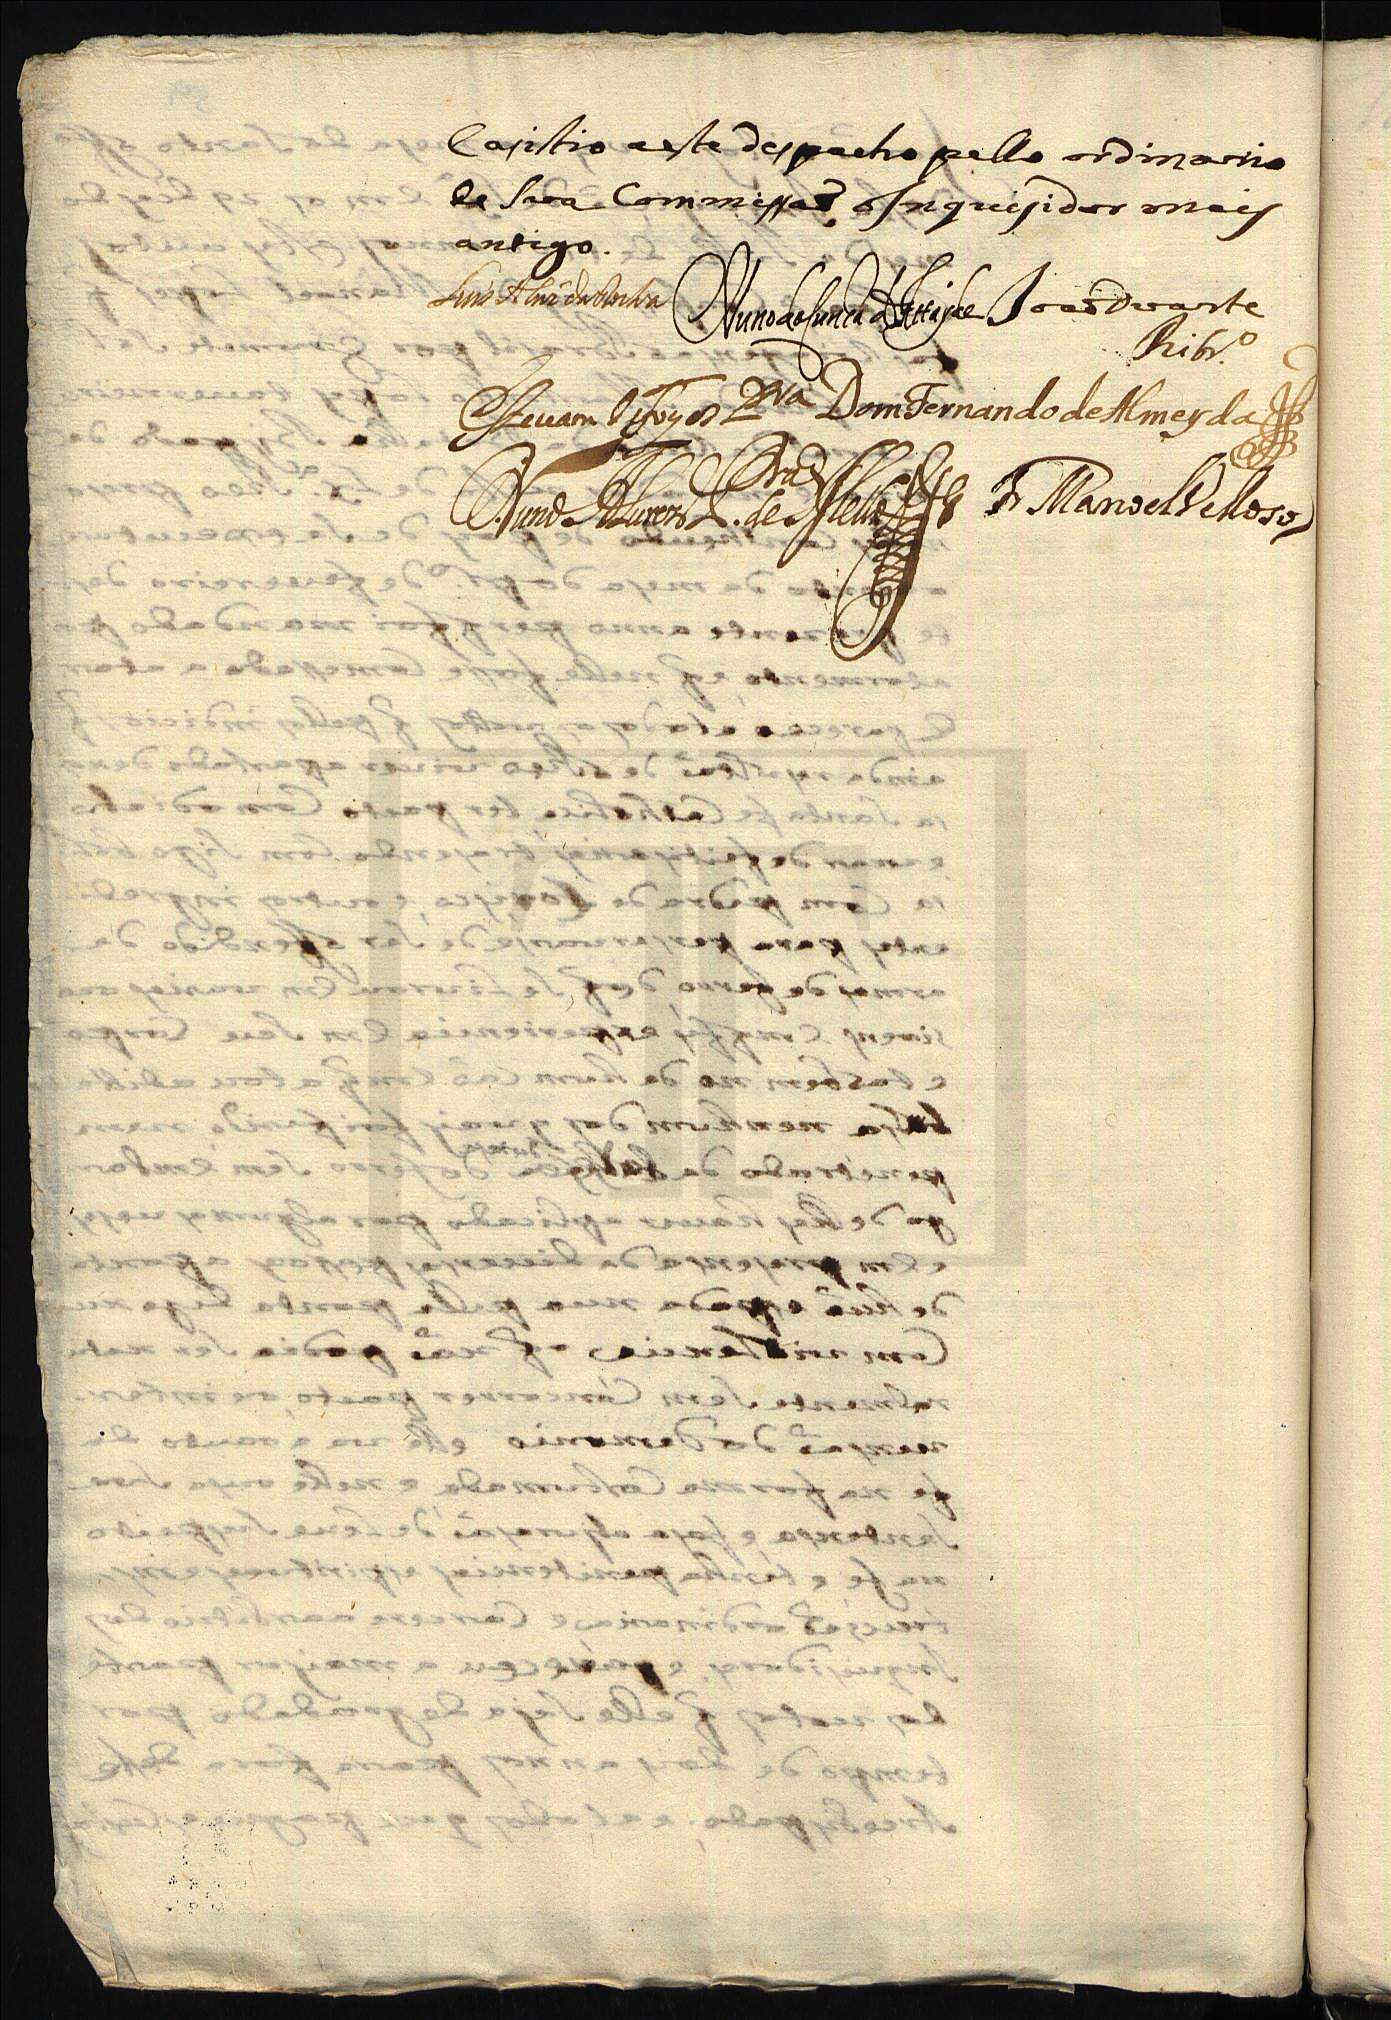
E asistio a este despacho pello ordinario
de sua commissaõ, o Jnquisidor mais
antigo.
